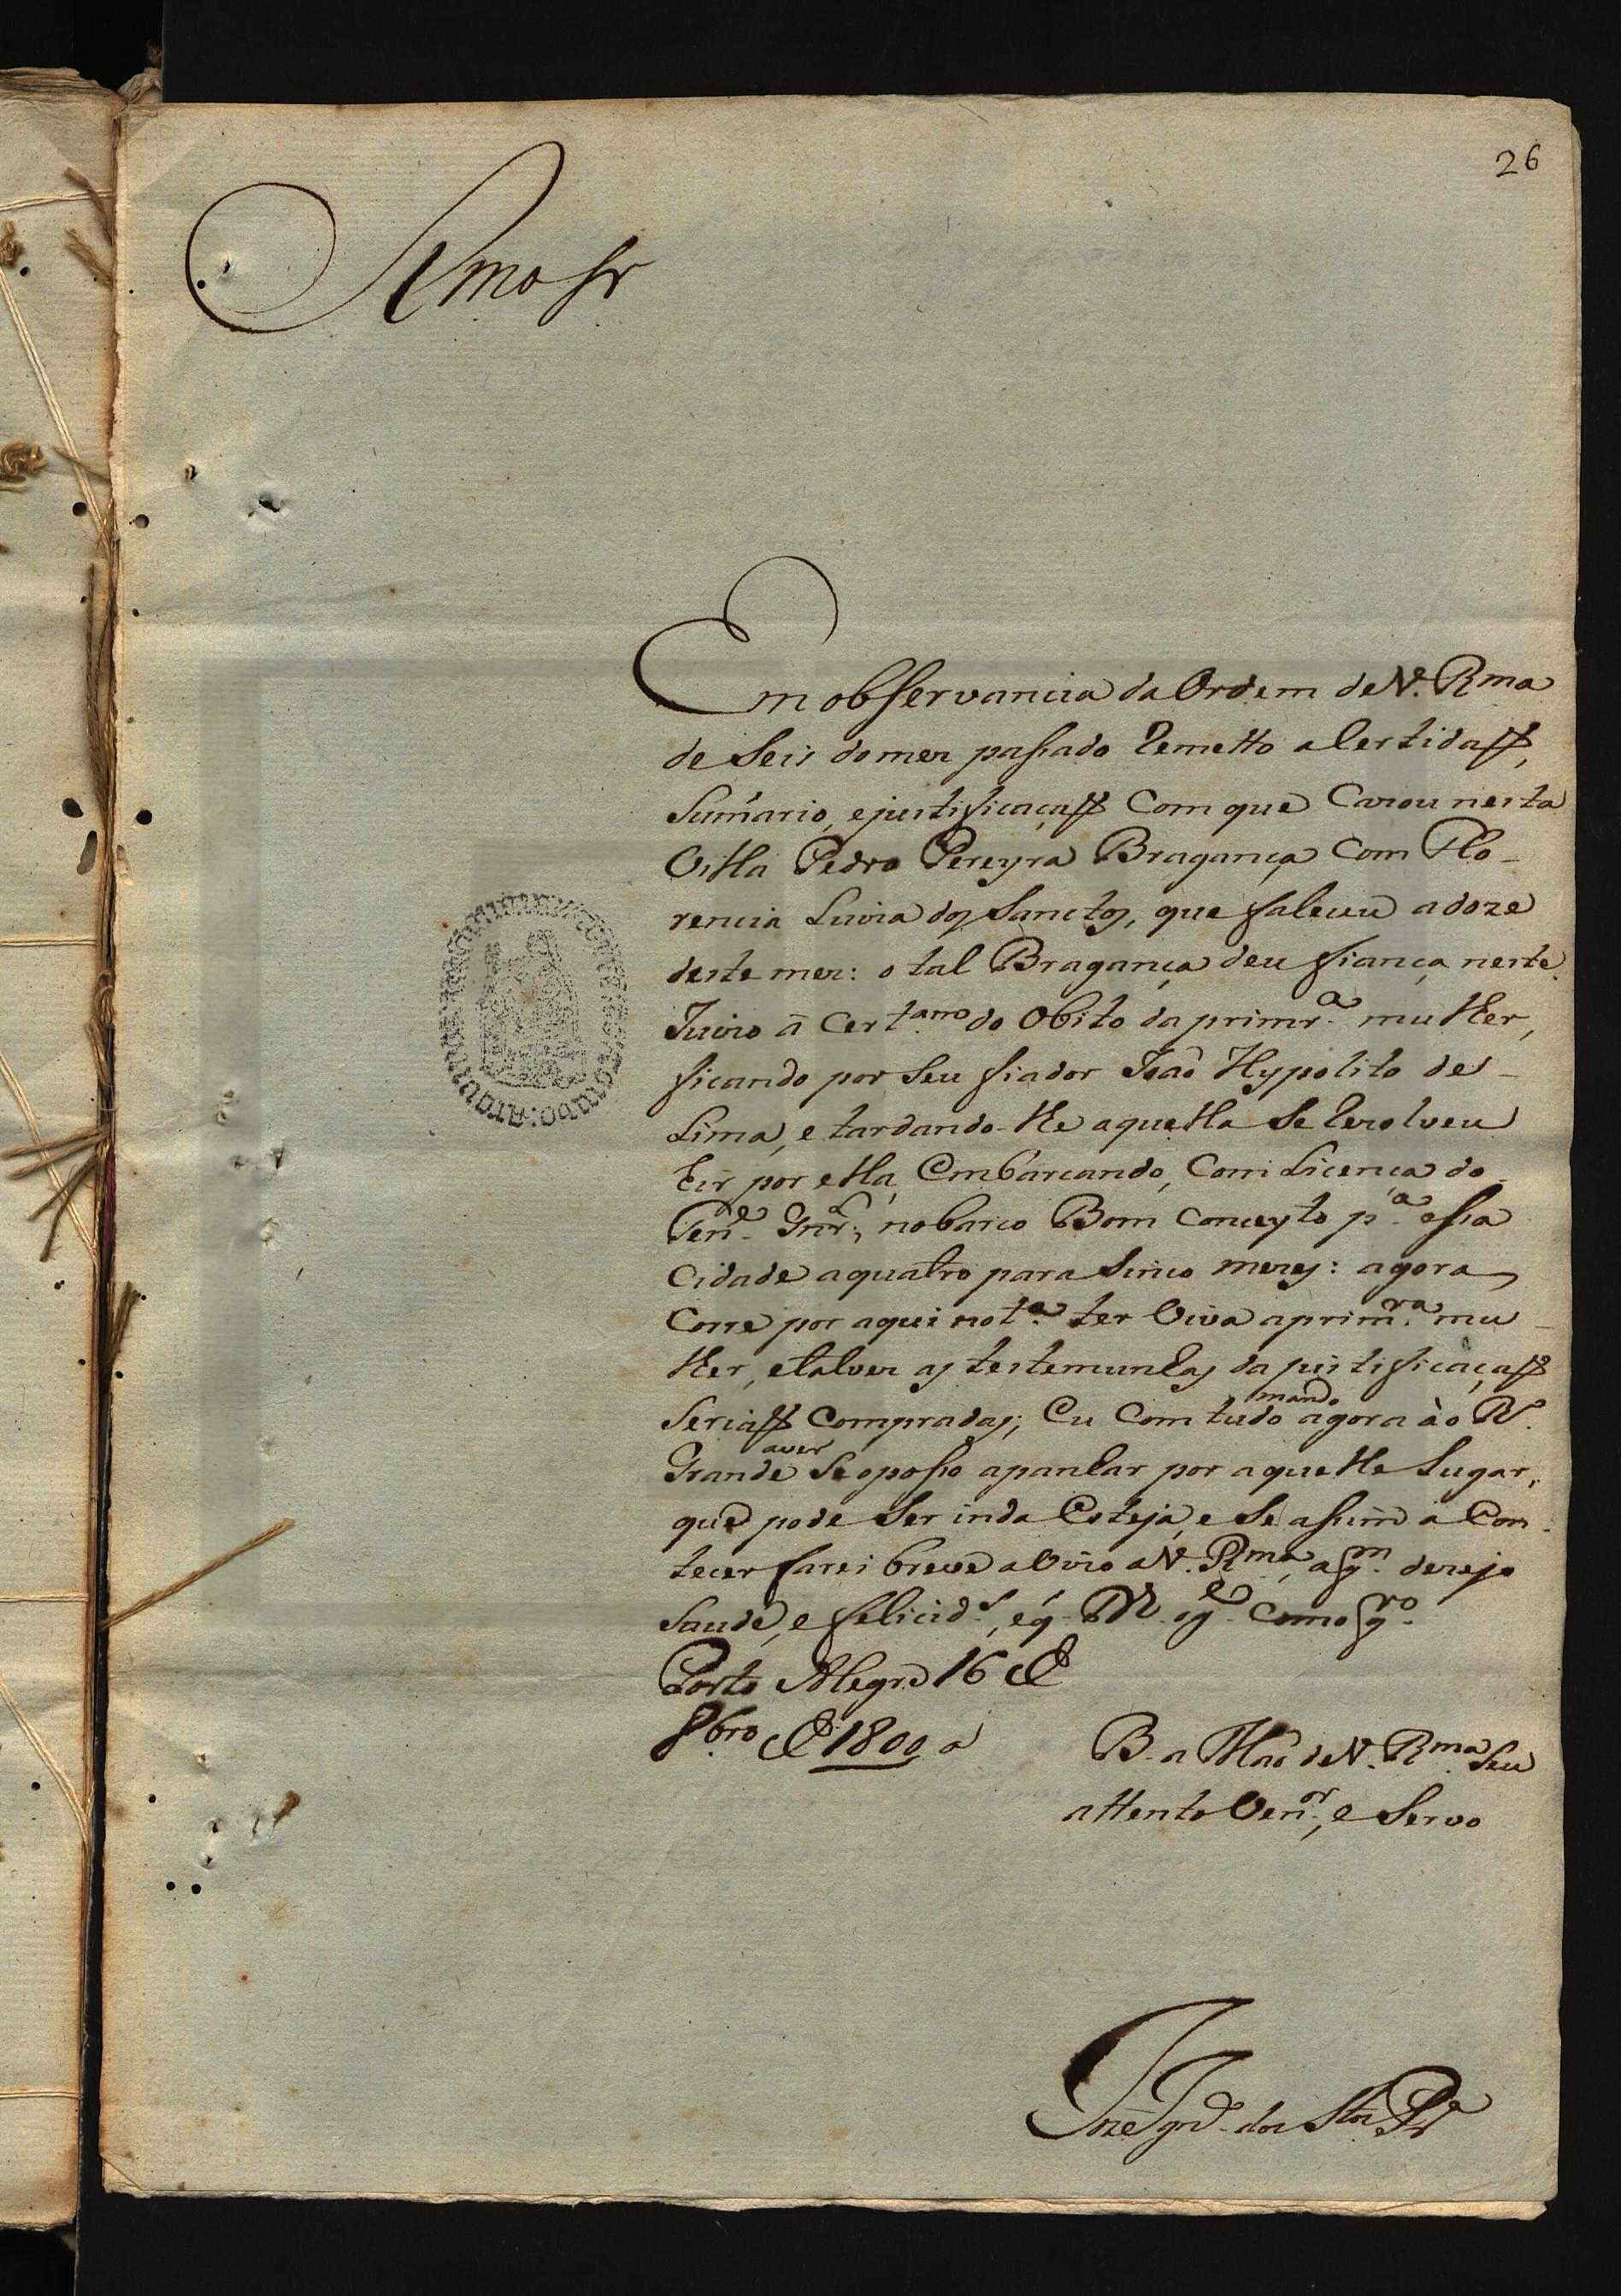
26
Em observancia da Ordem de V. R.ma
de Seis do mez passado Remetto aCertidaõ,
Sumário, e justificaçaõ com que Cazou nesta
Villa Pedro Pereyra Bragança com Flo
rencia Luiza dos Sanctos, que faleceu a doze
deste mez: o tal Bragança deu fiança neste
Iuizo á Cert.am do Obito da primr.a mulher,
ficando por seu fiador Ioão Hypolito de
Lima, e tardando-lhe aquella Se Rezolveu
hir por ella, Embarcando, Com licença do
Tene. Gnr.l; no barco Bom Conceyto p.a essa
cidada a quatro para Sinco mezes: agora
Corre por aqui not.a ter Viva a prim.ra mu
lher, e talvez as testemunhas da justificaçaõ
mando
Seriaõ compradas; eu comtudo agora ào R.o
aver
Grande se o posso apanhar por aquelle lugar,
que pode Ser inda Esteja e Se assim aCon
tecer farei breve alivio a V. R.ma, a q.m dezejo
saude, e felicid.e, e q̄ Ds o g.e como q.ro
Porto Alegre 16 d̄
8.bro d̄ 1800 ā
de V. R.ma seu
attento Ven.or, e Servo
Joze Ign.o dos S.tos Pr.a
